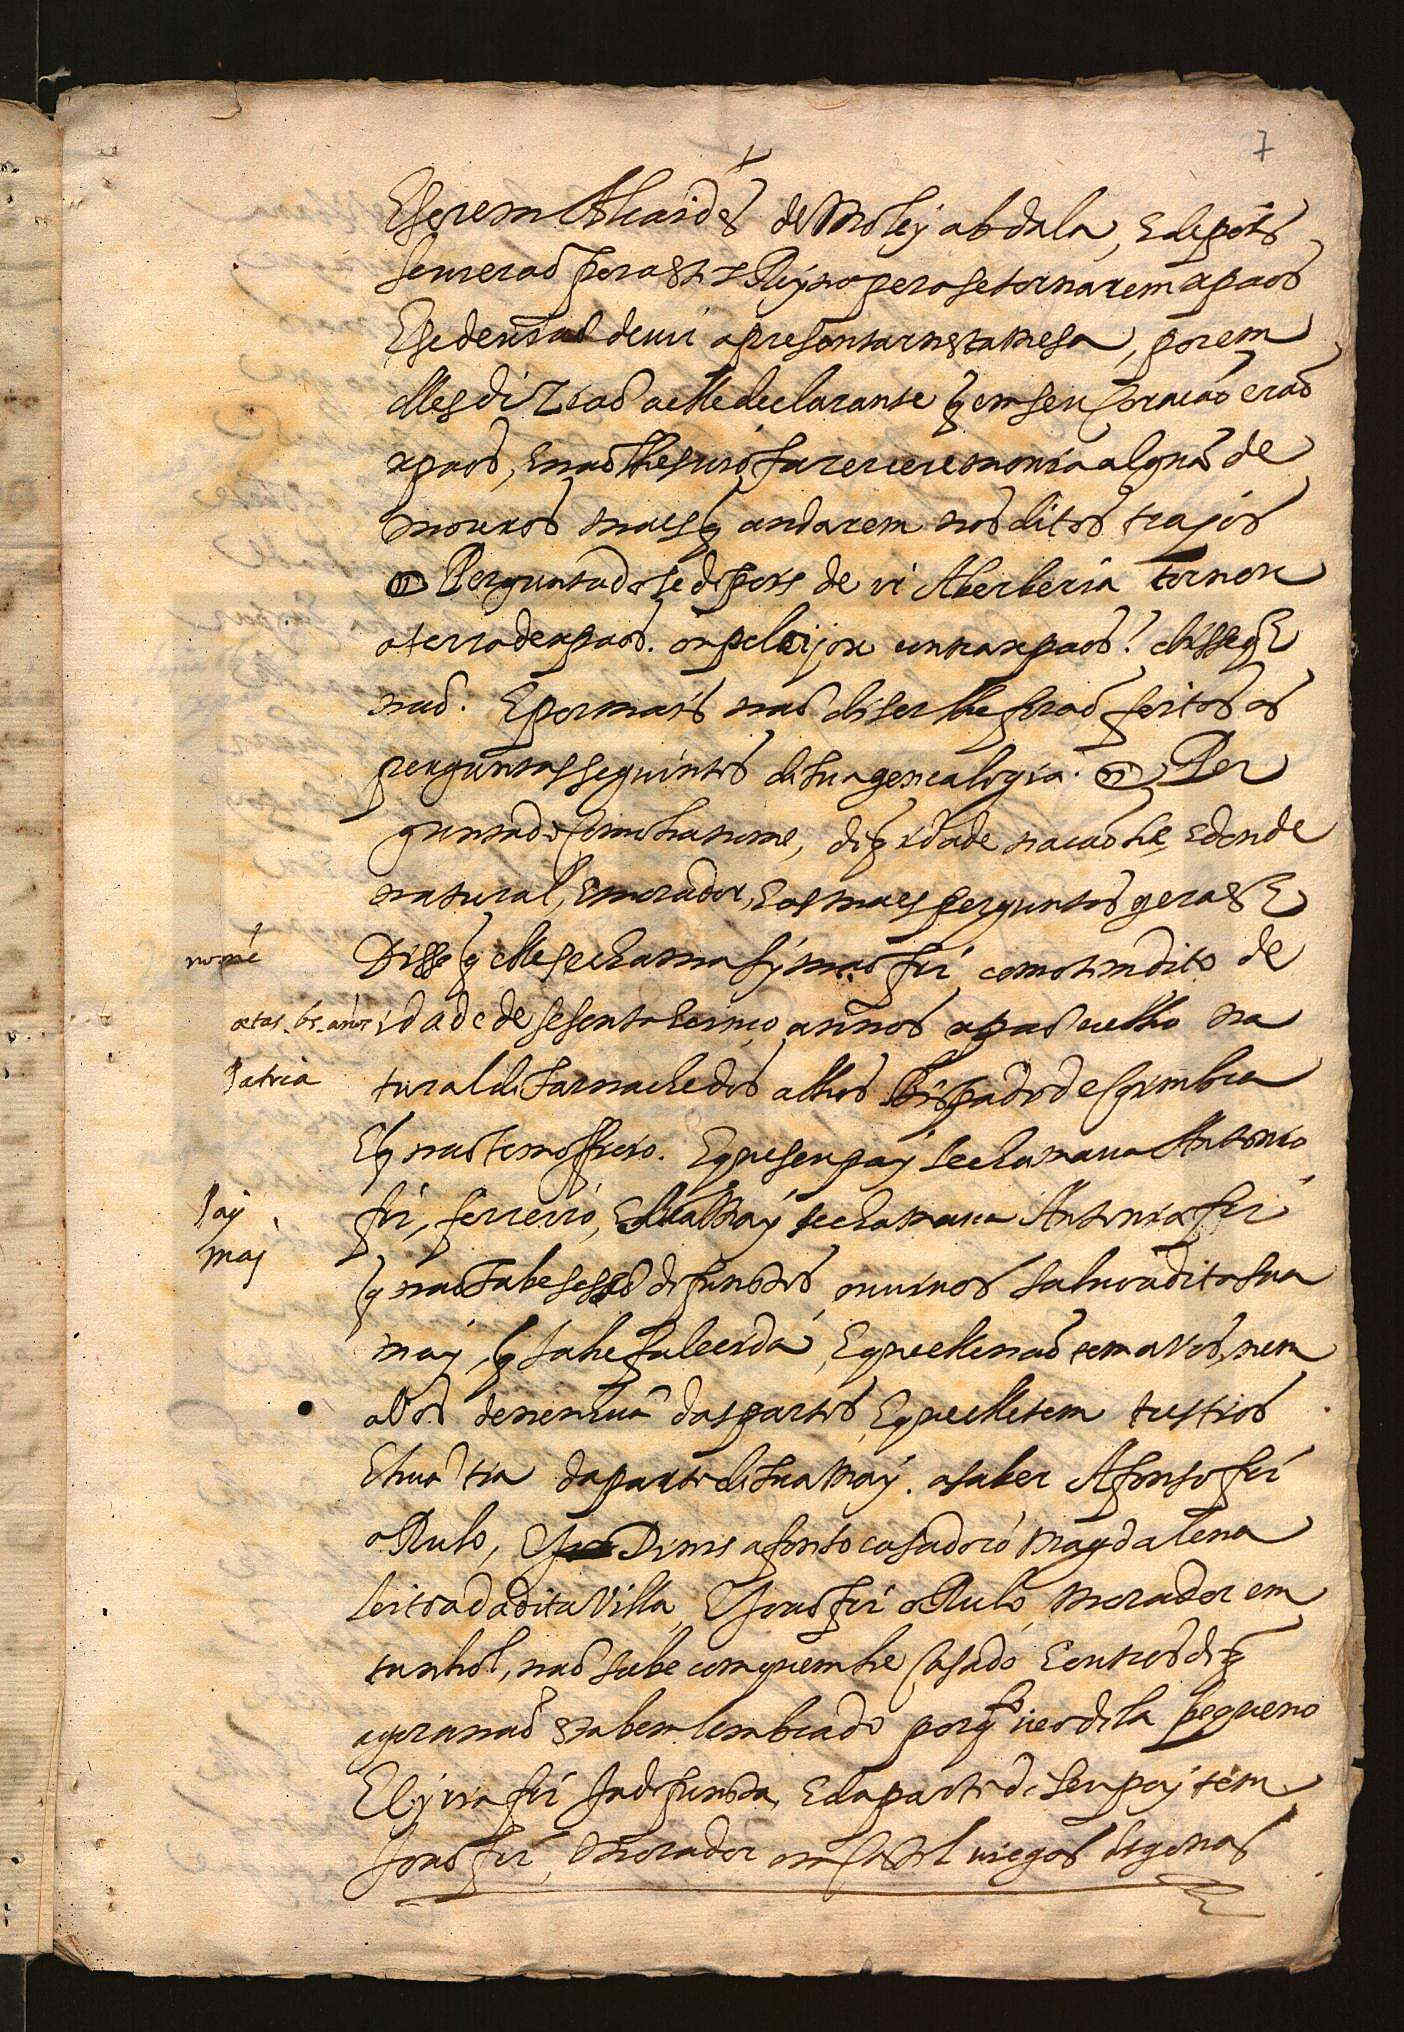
E serem Alcaides de Moley abdala, E depois
se uieraõ pera estes Reyno pera se tornarem xpaõs
E se deuiaõ de uir apresentar nesta mesa, porem
elles diziaõ a elle declarante q̄ em seu Coraçaõ eraõ
xpaõs, E naõ lhes uio fazer ceremonia alguā de
mouros mais q̄ andarem nos ditos trajos
⁋ Perguntado se dipois de ir A berberia tornou
a terra de xpaõs ou peleijou contra xpaõs? disse q̄
naõ. E por mais naõ diser lhe foraõ feitas as
perguntas seguintes de sua genealogia. ⁋ Per
guntado Como ha nome, de q̄ idade naçaõ he, E donde
natural, E morador, E as maes perguntas geraes
nome
Disse q̄ elle se chama symão frz̄ como tem dito de
ætas 65. an̄os.
idade de sesenta E cinco annos xpaõ uelho na
Patria
tural de Sarnache dos alhos Bispado de Coimbra
E q̄ naõ tem officio. E que seu pay se chamaua Antonio
Pay
frz̄, ferreiro, E sua May se chamaua Antonia frz
maj
q̄ naõ sabe se saõ defunctos, ou uiuos saluo a dita sua
may, q̄ Ia he falecida, E que elle naõ tem avos, nem
avos de nenhuā das partes, E que elle tem tres tios
E huā tia da parte de sua may. a saber Afonso frz̄
o Rulo, E Jo Dinis afonso casado cō Magdalena
Leitoa da dita Villa, E João frz̄ o Rulo, morador em
tanhol, naõ sabe com quem he Casado E outros de q̄
agora naõ esta bem lembrado porq̄ ueo de la pequeno
E Eyria frz̄ Ja defuncta, E da parte de seu pay tem
João frz̄, morador em Castel uiegas digo nas
